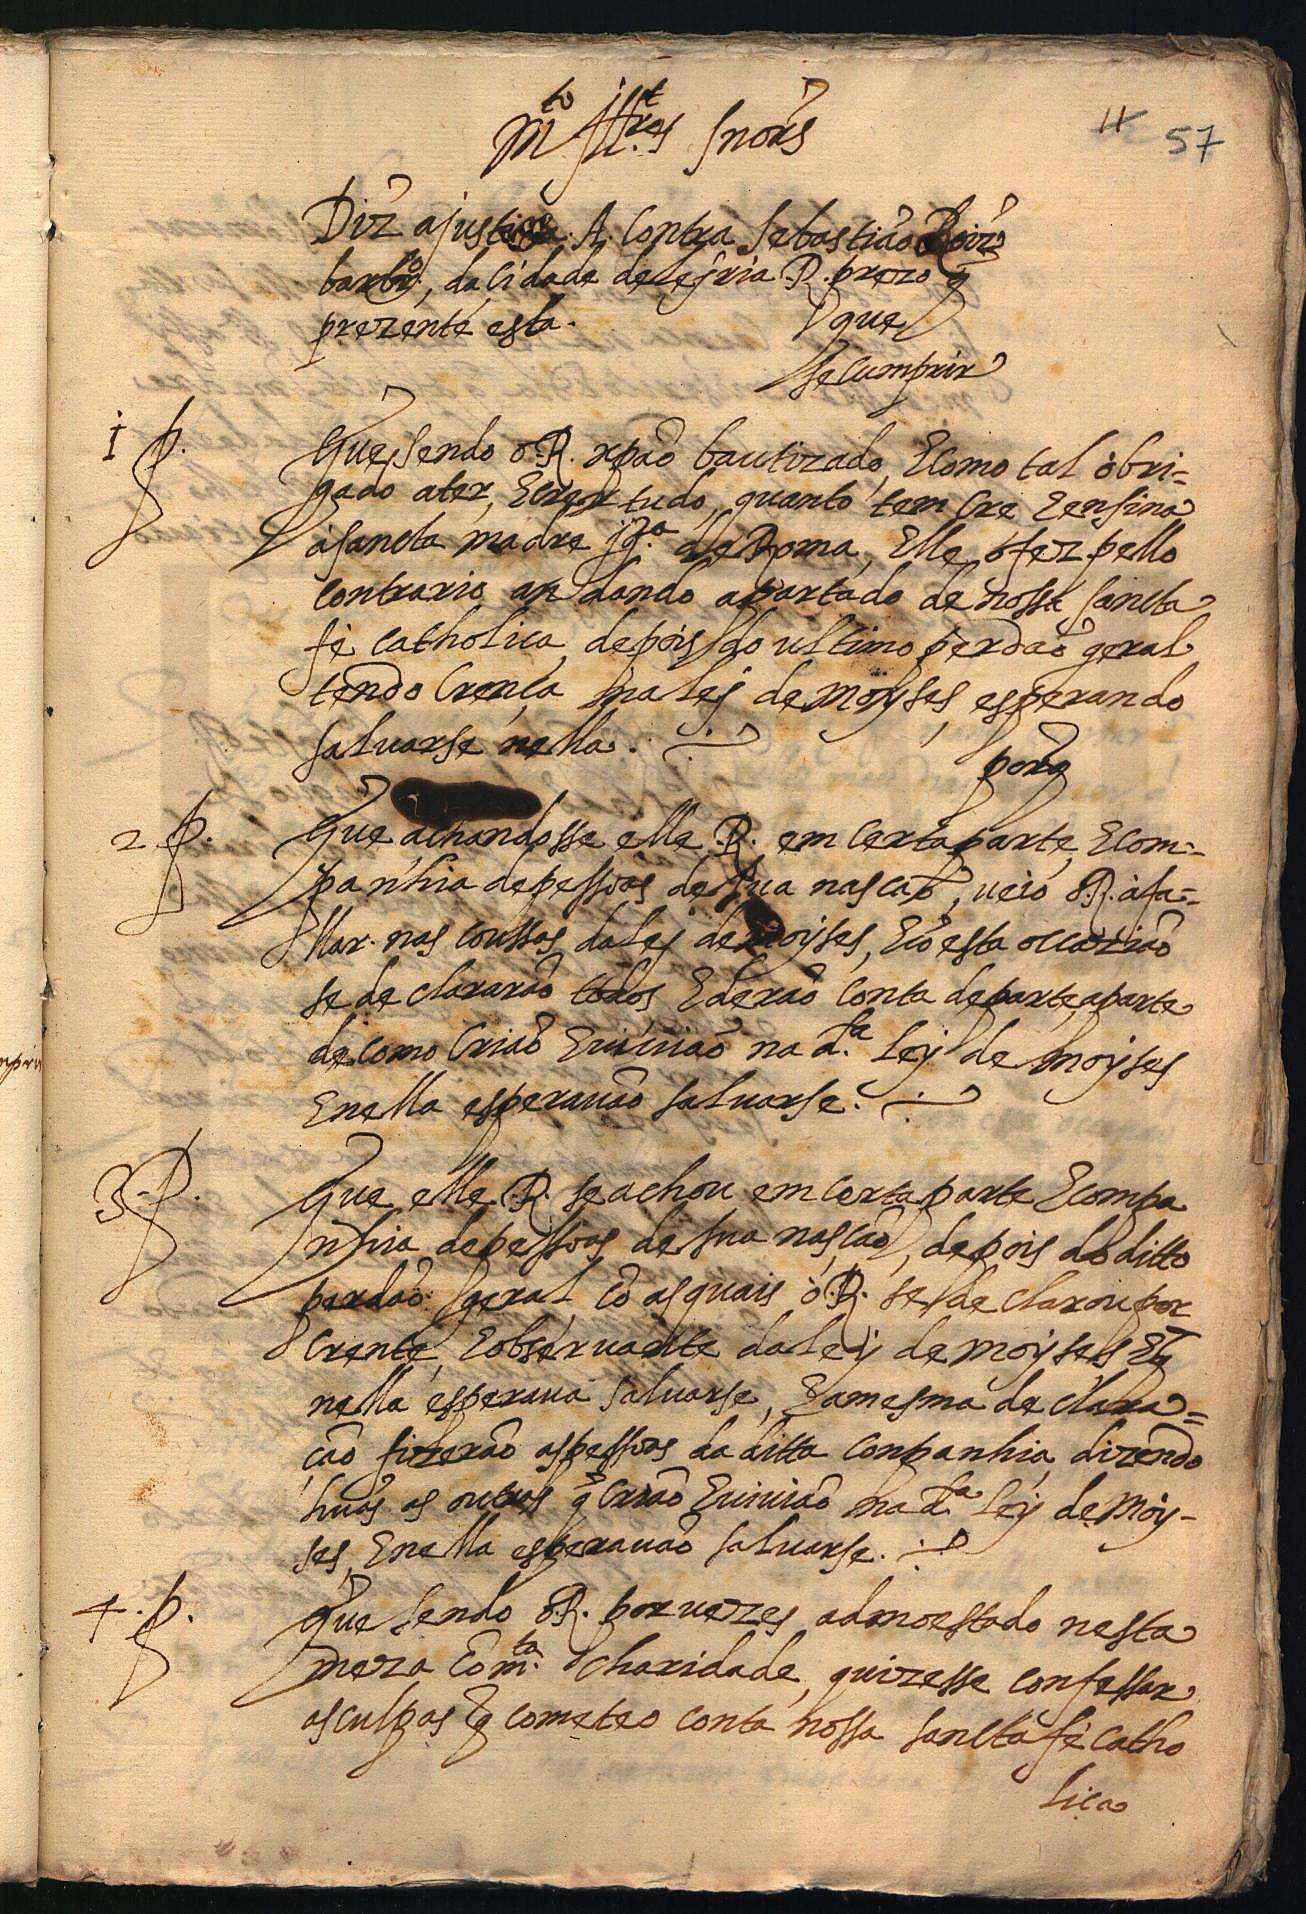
i p.
2. p.
3. p.
4. p.
Mto Jl̄l.tres Snor̄s
Diz̄ a justica .A. Contra Sebastião Roiz̄
barbro, da çidade de Lejria .R. prezo q̄
prezente esta.
que
se cumprir
Que sendo o .R. xpaõ bautizado, E como tal obri
gado a ter, E crer tudo, quanto tem cre E ensina
á sancta madre jg.ra de Roma, Elle o fez pello
contrario andando apartado de nossa sancta
fé catholica, depois do ultimo perdaõ geraL
tendo crença na Lej de moyses esperando
saLuarse nella.
porq̄
Que achandosse elle .R. em certa parte, E com
panhia de pessoas de sua nascaõ, ueio o .R. a fa
llar. nas coussas da Lej de moyses, E cō esta occaziaõ
se declararão todos E deraõ conta de parte, a parte
de como criaõ E uiuiaõ na d̄.a Ley de moyses
E nella esperauão saLuarse.
Que elle .R. se achou em certa parte E compa
nhia de pessoas de sua nasçaõ, depois do ditto
perdaõ geral, cō as quais o .R. se declarou por
crente, e obseruante da Ley de moyses E q̄
nella esperaua saluarse, E a mesma declara
ção fizerão as pessoas da ditta conpanhia, dizendo
huās as outras q̄ crião E uiuiaõ na d̄a Ley de moy
ses, E nella esperauaõ saluarse.
Que sendo o .R. por uezes admoestado nesta
meza cō m.ta charidade, quizesse confessar
as culpas q̄ cometeo conta nossa sancta fé catho
lica
